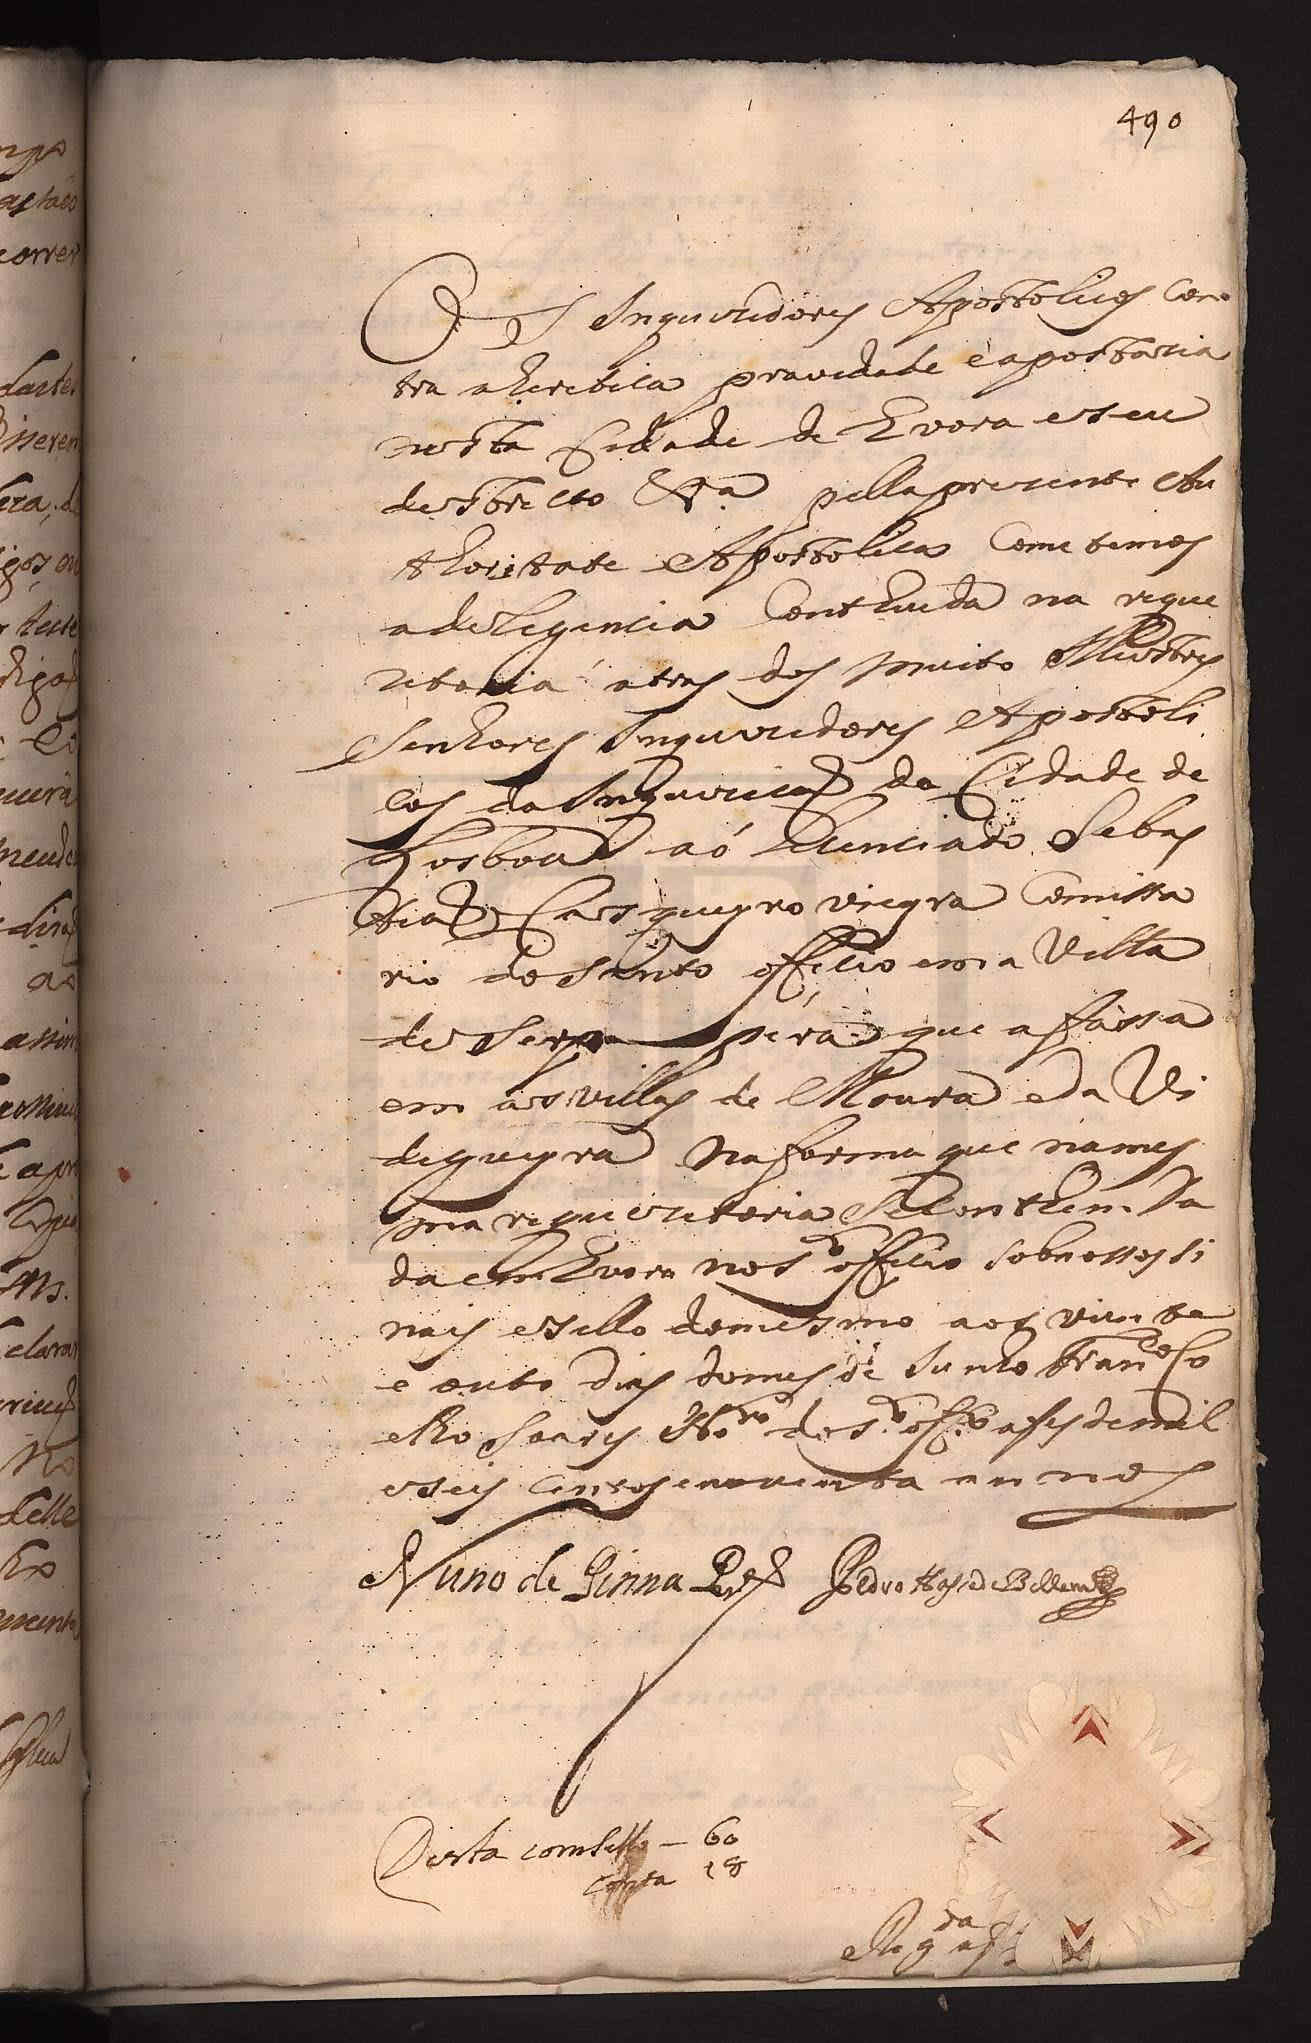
490
Os Inquizidores Apostolicos con
tra a heretica pravidade e apostazia
nesta Cidade de Evora e seu
destricto &.a pella prezente Au
thoritate Apostolica Cometemos
a deligencia Contheuda na reque
zitoria atras dos muito Illustres
Senhores Inquizidores Apostoli
cos da Inquiziçaõ da Cidade de
Lisboa ao Licenciado Sebas
tiaõ Casqueyro vieyra Comissa
rio do Santo officio em a Villa
de Serpa pera que a fassa
em as villas de Moura e da Vi
digueyra na forma que na mes
ma requizitoria se conthem Da
da em Evora no sto officio sob nossos si
nais e sello do mesmo aos vinte
e outo dias do mes de Iunho Fran.co Co
elho Soares Notro do s.to off.o a fes de mil
e seiscentos e nouenta annos
Nuno de Pinna Pera Pedro Hasse de Bellem
Desta com sello – 60
Conta 18
Regda a f
